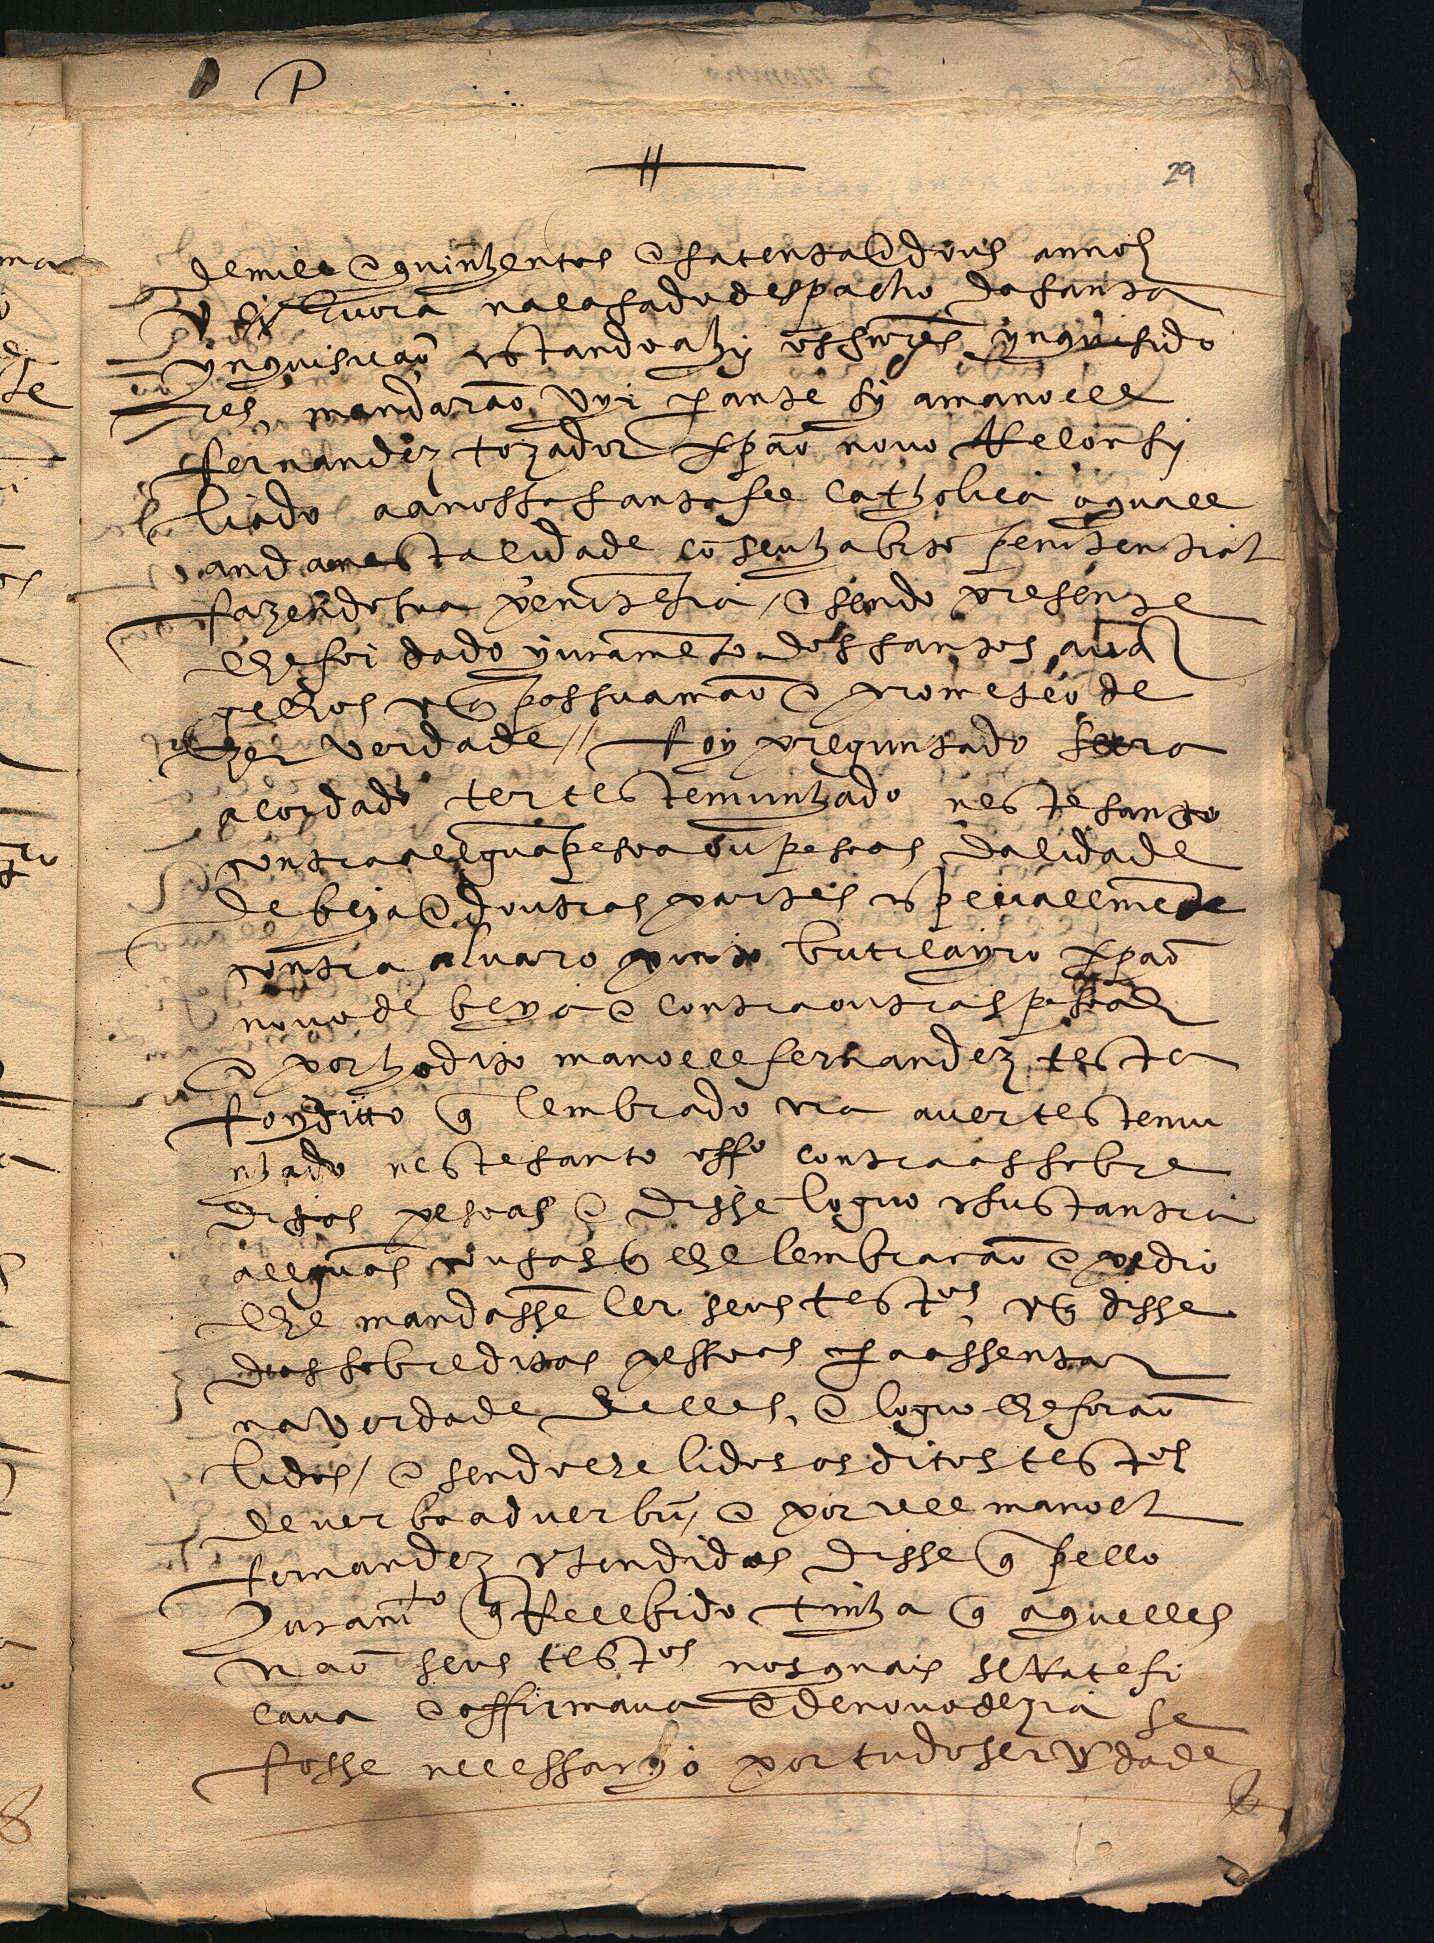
de mill e quinhentos e satenta e dous annos
ē lis Euora na casa do despacho da santa
ynquisiçaõ estando ahy os sn̄res ynquisido
res mandarão vyr ꝑante sy a manoell
fernandez tozador xpão nouo Reconsy
liado aa nossa santa fee catholica o quall
anda nesta çidade cō seu habito penitentiaL
fazendo sua penitēsia / e sendo presente
lhe foi dado yuramēto dos santos auā
gelhos e q̄ pos sua mão e prometeo de
zer verdade // foy preguntado se era
acordado ter testemunhado neste santo
contra allgūa pesoa ou pesoas da cidade
de beya e doutras partes especiallmēte
contra aluaro pinto buticayro Xpaõ
nouo de beya e contra outras pesoas
e por ho dito manoell fernandez testa
foy ditto q̄ lembrado era auer testemu
nhado neste santo offo contra as sobre
ditas pesoas e disse loguo ē sustantia
allgūas cousas q̄ lhe lembrarão e pedio
lhe mandassē ler seus testos ē q̄ disse
das sobreditas pessoas ꝑa assentar
na verdade delles, e logo lhe foraõ
lidos / e sendolhe lidos os ditos testos
de uerbo ad uerbū, e por ele manoeL
fernandez ētendidos disse q̄ pello
Juramto q̄ Recebido tinha q̄ aquelles
eraõ seus testos nos quais se Ratefi
caua e affirmaua e de nouo dezia se
fosse necessaryo por tudo ser ꝟdade
